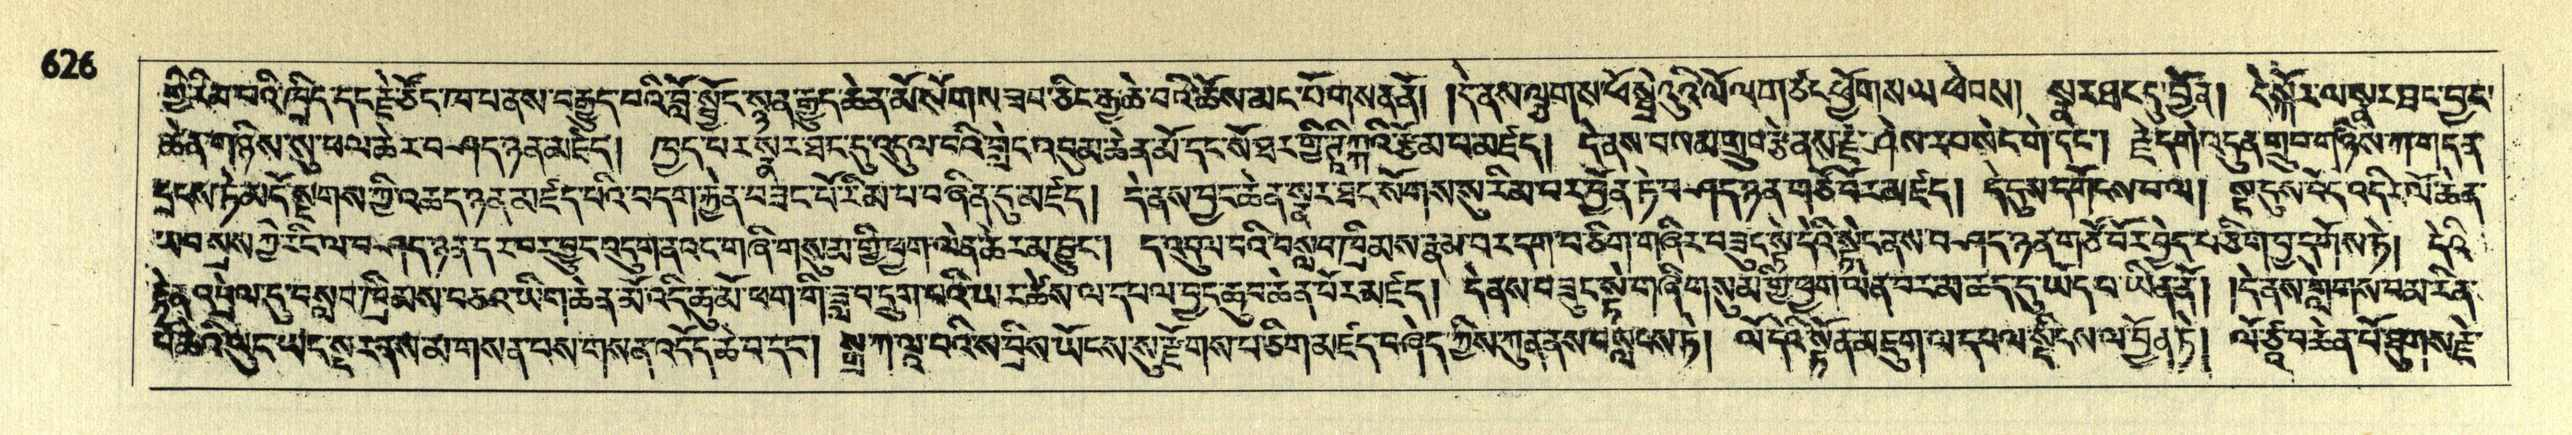གྱི་རིམ་བའི་ཁྲིད་དང་རྗེ་ཙོང་ཁ་པ་ནས་བརྒྱུད་བའི་བློ་སྦྱོང་སྙན་རྒྱུད་ཆེན་མོ་སོགས་ཟབ་ཅིང་རྒྱ་ཆེ་བའི་ཆོས་མང་པོ་གསན་ནོ། །དེ་ནས་ལྕགས་ཕོ་སྦྲེའུའི་ལོ་ལག་ཙང་ཕྱོགས་ལ་ཕེབས། སྣར་ཐང་དུ་བྱོན། དེ་སྐོར་ལ་སྣར་ཐང་བྱང་
ཆེན་གཉིས་སུ་ཕལ་ཆེར་བཤད་ཉན་མཛད། ཁྱད་པར་སྣར་ཐང་དུ་འདུལ་བའི་གླེང་འབུམ་ཆེན་མོ་དང་སོ་ཐར་གྱི་ཊཱིཀྐའི་རྩོམ་པ་མཛད། དེ་ནས་བསམ་གྲུབ་རྩེ་ནས་རྗེ་ཤེས་རབ་སེང་གེ་དང་། རྗེ་དགེ་འདུན་གྲུབ་གཉིས་ཀ་གདན་
དྲངས་ཏེ་མདོ་སྔགས་ཀྱི་འཆད་ཉན་མཛད་པའི་བདག་རྐྱེན་བཟང་པོ་རིམ་པ་བཞིན་དུ་མཛད། དེ་ནས་བྱང་ཆེན་སྣར་ཐང་སོགས་སུ་རིམ་པར་བྱོན་ཏེ་བཤད་ཉན་གཙོ་བོར་མཛད། དེ་དུས་དགོངས་བ་ལ། སྔ་དུས་འོད་འདིར་ལོ་ཆེན་
ཡབ་སྲས་ཀྱི་རིང་ལ་བཤད་ཉན་དར་བར་བྱུང་འདུག་ནའང་གཞི་གསུམ་གྱི་ཕྱག་ལེན་ཆེར་མ་བྱུང་། ད་འདུལ་བའི་བསླབ་ཁྲིམས་རྣམ་བར་དག་བ་ཅིག་གཞིར་བཟུང་སྟེ་དེའི་སྟེང་ནས་བཤད་ཉན་གཙོ་བོར་བྱེད་པ་ཅིག་བྱ་དགོས་ཏེ། དེའི་
རྟེན་འབྲེལ་དུ་བསླབ་ཁྲིམས་བཅའ་ཡིག་ཆེན་མོ་འདི་ཆུ་མོ་ཕག་གི་ཟླ་བ་དྲུག་པའི་ཡར་ཚེས་ལ་དཔལ་བྱང་ཆུབ་ཆེན་པོར་མཛད། དེ་ནས་བཟུང་སྟེ་གཞི་གསུམ་གྱི་ཕྱག་ལེན་བར་མ་ཆད་དུ་ཡོད་བ་ཡིན་ནོ། །དེ་ནས་གླེགས་བམ་རིན་
པོ་ཆེའི་ལུང་ཡང་སྔར་ནས་མ་གསན་པས་གསན་འདོད་ཆེ་བ་དང་། སྒྲ་ཀ་ལཱ་བའི་ས་བྲིས་ཡོངས་སུ་རྫོགས་པ་ཅིག་མཛད་བཞེད་ཀྱིས་ཀུན་ནས་བསླངས་ཏེ། ལོ་དེའི་སྟོན་མཇུག་ལ་དཔལ་སྡིངས་ལ་བྱོན་ཏེ། ལོ་ཙཱ་བ་ཆེན་པོ་ཐུགས་རྗེ་